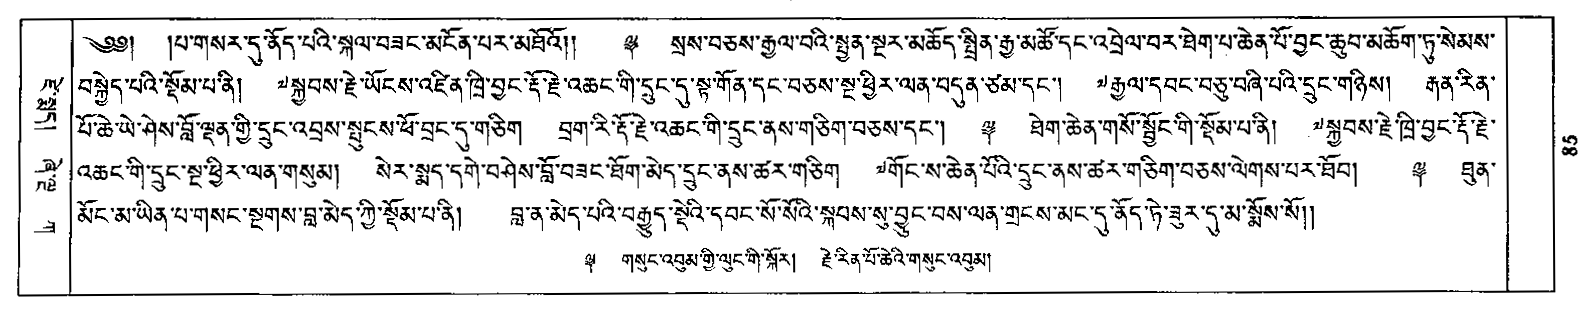༄༅། །པ་གསར་དུ་ནོད་པའི་སྐལ་བཟང་མངོན་པར་མཐོའོ།། ༈ སྲས་བཅས་རྒྱལ་བའི་སྤྱན་སྔར་མཆོད་སྤྲིན་རྒྱ་མཚོ་དང་འབྲེལ་བར་ཐེག་པ་ཆེན་པོ་བྱང་ཆུབ་མཆོག་ཏུ་སེམས་
བསྐྱེད་པའི་སྔོམ་པ་ནི། ༧་སྐྱབས་རྗེ་ཡོངས་འཛིན་ཁྲི་བྱང་རྡོ་རྗེ་འཆང་གི་དྲུང་དུ་སྟ་གོན་དང་བཅས་སྔ་ཕྱིར་ལན་བདུན་ཙམ་དང་། ༧་རྒྱལ་དབང་བཅུ་བཞི་པའི་དྲུང་གཉིས། རྒན་རིན་
པོ་ཆེ་ཡེ་ཤེས་བློ་ལྡན་གྱི་དྲུང་འབྲས་སྤུངས་ཕོ་བྲང་དུ་གཅིག་བྲག་རི་རྡོ་རྗེ་འཆང་གི་དྲུང་ནས་གཅིག་བཅས་དང་། ༈ ཐེག་ཆེན་གསོ་སྦྱོང་གི་སྔོམ་པ་ནི། ༧སྐྱབས་རྗེ་ཁྲི་བྱང་རྡོ་རྗེ་
འཆང་གི་དྲུང་སྔ་ཕྱིར་ལན་གསུམ། སེར་སྨད་དགེ་བཤེས་བློ་བཟང་ཐོག་མེད་དྲུང་ནས་ཚར་གཅིག་༧་གོང་ས་ཆེན་པོའི་དྲུང་ནས་ཚར་གཅིག་བཅས་ལེགས་པར་ཐོབ། ༈ ཐུན་
མོང་མ་ཡིན་པ་གསང་སྔགས་བླ་མེད་ཀྱི་སྔོམ་པ་ནི། བླ་ན་མེད་པའི་བརྒྱུད་སྡེའི་དབང་སོ་སོའི་སྐབས་སུ་བྱུང་བས་ལན་གྲངས་མང་དུ་ནོད་ཏེ་ཟུར་དུ་མ་སྨོས་སོ།།
༈ གསུང་འབུམ་གྱི་ལུང་གི་སྐོར། རྗེ་རིན་པོ་ཆེའི་གསུང་འབུམ།